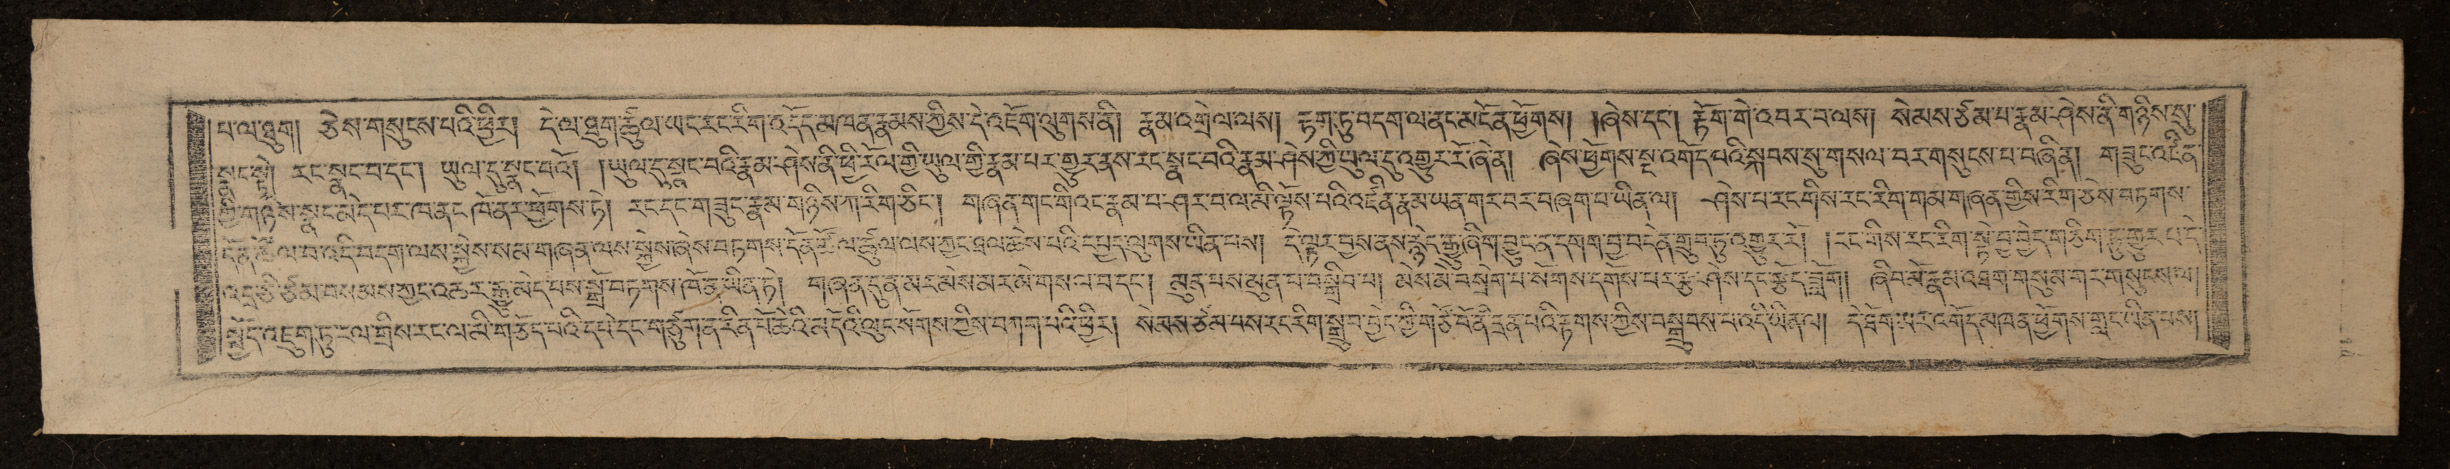པ་ལ་ཐུག། ཅེས་གསུངས་པའི་ཕྱིར། དེ་ལ་ཐུག་ཚུལ་ཡང་རང་རིག་འདོད་མཁན་རྣམས་ཀྱིས་དེ་འཇོག་ལུགས་ནི། རྣམ་འགྲེལ་ལས། རྟག་ཏུ་བདག་ལ་ནང་མངོན་ཕྱོགས། །ཞེས་དང་། རྟོག་གེ་འབར་བ་ལས། སེམས་ཙམ་པ་རྣམ་ཤེས་ནི་གཉིས་སུ་
སྣང་སྟེ། རང་སྣང་བ་དང་། ཡུལ་དུ་སྣང་བའོ། །ཡུལ་དུ་སྣང་བའི་རྣམ་ཤེས་ནི་ཕྱི་རོལ་གྱི་ཡུལ་གྱི་རྣམ་པར་གྱུར་ནས་རང་སྣང་བའི་རྣམ་ཤེས་ཀྱི་ཡུལ་དུ་འགྱུར་རོ་ཞེ་ན། ཞེས་ཕྱོགས་སྔ་འགོད་པའི་སྐབས་སུ་གསལ་བར་གསུངས་པ་བཞིན། གཟུང་འཛིན་
གྱི་གཉིས་སྣང་མེད་པར་ཁ་ནང་ཁོ་ནར་ཕྱོགས་ཏེ། རང་དང་གཟུང་རྣམ་གཉིས་ཀ་རིག་ཅིང་། གཞན་གང་གིའང་རྣམ་བ་ཤར་བ་ལ་མི་ལྟོས་པའི་འཛིན་རྣམ་ཡན་གར་བར་བཞག་པ་ཡིན་ལ། ཤེས་པ་རང་གིས་རང་རིག་གམ་གཞན་གྱིས་རིག་ཅེས་བཏགས་
དོན་ཚོལ་བ་འདི་བདག་ལས་སྐྱེས་སམ་གཞན་ལས་སྐྱེས་ཞེས་བཏགས་དོན་ཚོལ་ཚུལ་ལས་ཀྱང་ཐལ་ཆེས་པའི་དཔྱད་ལུགས་ཡིན་པས། དེ་ལྟར་བྱས་ནས་རྙེད་རྒྱུ་ཞིག་བྱུང་ན་དགག་བྱ་བདེན་གྲུབ་ཏུ་འགྱུར་རོ། །རང་གིས་རང་རིག་སྟེ་བྱ་བྱེད་གཅིག་ཏུ་གྱུར་བ་དེ་
འདྲ་ཅི་ཙམ་བསམས་ཀྱང་འཆར་རྒྱུ་མེད་བས་སྒྲོ་བཏགས་ཁོ་ན་ཡིན་ཏེ། གཞན་དུ་ན་མར་མེས་མར་མེ་གསལ་བ་དང་། མུན་བས་མུན་བ་བསྒྲིབ་བ། མེས་མེ་བསྲེག་པ་སོགས་དགོས་ངའ་རྩ་ཤེས་དང་རྩོད་ཟློག། ཞིབ་མོ་རྣམ་འཐག་གསུམ་གར་གསུངས་ལ།
སྤྱོད་འཇུག་ཏུ་རལ་གྲིས་རང་ལ་མི་གཅོད་པའི་དཔེ་དང་གཙུག་ན་རིན་པོ་ཆེའི་མདོའི་ལུང་སོགས་ཀྱིས་བཀག་བའི་ཕྱིར། སེམས་ཙམ་བས་རང་རིག་སྒྲུབ་བྱེད་ཀྱི་གཙོ་བོ་ནི་དྲན་པའི་རྟགས་ཀྱིས་བསྒྲུབས་པ་འདི་ཡིན་ལ། དེ་ཐོག་མར་འགོད་མཁན་ཕྱོགས་གླང་ཡིན་པས།